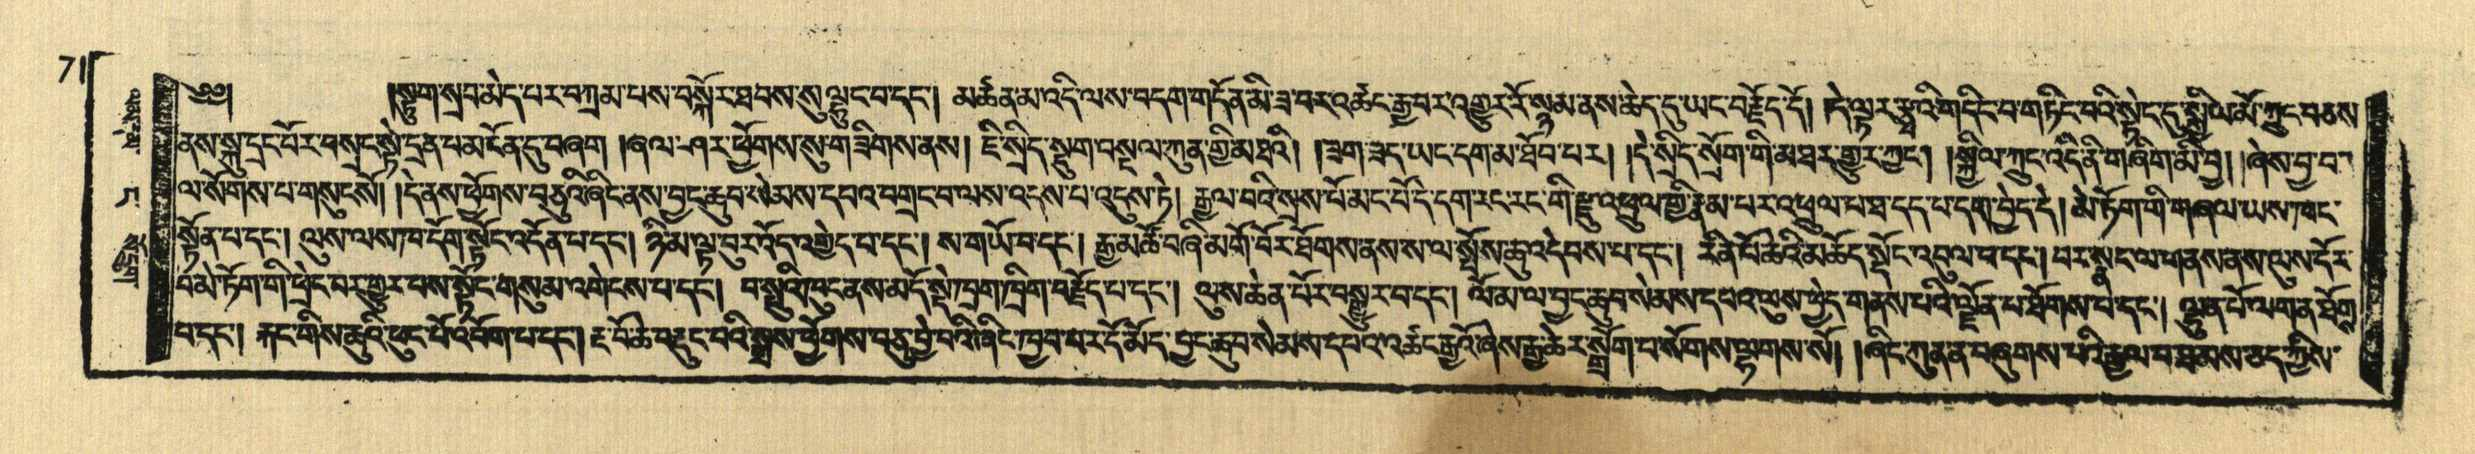༄༅། །སྟུག་སྲབ་མེད་པར་བཀྲམ་པས་བསྐོར་ཐབས་སུ་ལྷུང་བ་དང་། མཚན་མ་འདི་ལས་བདག་གདོན་མི་ཟ་བར་འཚང་རྒྱ་བར་འགྱུར་རོ་སྙམ་ནས་ཆེད་དུ་ཡང་བརྗོད་དོ། །དེ་ལྟར་རྩྭའི་གདིང་བ་གཏིང་བའི་སྟེང་དུ་སྐྱིལ་མོ་ཀྲུང་བཅས་
ནས་སྐུ་དྲང་པོར་བསྲང་སྟེ་དྲན་པ་མངོན་དུ་བཞག །ཞལ་ཤར་ཕྱོགས་སུ་གཟིགས་ནས། ཇི་སྲིད་སྡུག་བསྔལ་ཀུན་གྱི་མཐའི། །ཟག་ཟད་ཡང་དག་མ་ཐོབ་པར། །དེ་སྲིད་སྲོག་གི་མཐར་གྱུར་ཀྱང་། །སྐྱིལ་ཀྲུང་འདི་ནི་གཞིག་མི་བྱ། །ཞེས་བྱ་བ་
ལ་སོགས་པ་གསུངས། །དེ་ནས་ཕྱོགས་བཅུའི་ཞིང་ནས་བྱང་ཆུབ་སེམས་དཔའ་བགྲང་བ་ལས་འདས་པ་འདུས་ཏེ། རྒྱལ་བའི་སྲས་པོ་མང་པོ་དེ་དག་རང་རང་གི་རྫུ་འཕྲུལ་གྱི་རྣམ་པར་འཕྲུལ་པ་ཐ་དད་པ་དག་བྱེད་དེ། མེ་ཏོག་གི་གཞལ་ཡས་ཁང་
སྟོན་པ་དང་། ལུས་ལས་ཁ་དོག་སྟོང་འདོན་པ་དང་། ཉི་མ་ལྟ་བུར་འོད་འགྱེད་པ་དང་། ས་གཡོ་བ་དང་། རྒྱ་མཚོ་བཞི་མགོ་བོར་ཐོགས་ནས་ས་ལ་སྤོས་ཆུ་འདེབས་པ་དང་། རིན་པོ་ཆེའི་མཆོད་སྡོང་འབུལ་བ་དང་། པར་སྣང་ལ་གནས་ནས་ལུས་དོར་
བ་མེ་ཏོག་གི་ཕྲེང་བར་གྱུར་པས་སྟོང་གསུམ་འགེངས་པ་དང་། བ་སྤུའི་ཁུང་ནས་མདོ་སྡེ་ཁྲག་ཁྲིག་བརྗོད་པ་དང་། ལུས་ཆེན་པོར་བསྒྱུར་བ་དང་། ལོ་མ་ལ་བྱང་ཆུབ་སེམས་དཔའ་ལུས་ཕྱེད་གནས་པའི་ལྗོན་པ་ཐོགས་པ་དང་། ལྷུན་པོ་ལག་ན་ཐོགས་
པ་དང་། རྐང་གིས་ཆུའི་ཕུང་པོ་འབོག་པ་དང་། རྔ་བོ་ཆེ་བརྡུང་བའི་སྒྲས་ཕྱོགས་བཅུ་བྱེ་བའི་ཞིང་ཁྱབ་པར་དོ་མོད་བྱང་ཆུབ་སེམས་དཔའ་འཚང་རྒྱའོ་ཞེས་རྒྱ་ཆེར་སྒྲོག་པ་སོགས་ལྷགས་སོ། །ཞིང་ཀུན་ན་བཞུགས་པའི་རྒྱལ་བ་ཐམས་ཅད་ཀྱིས་